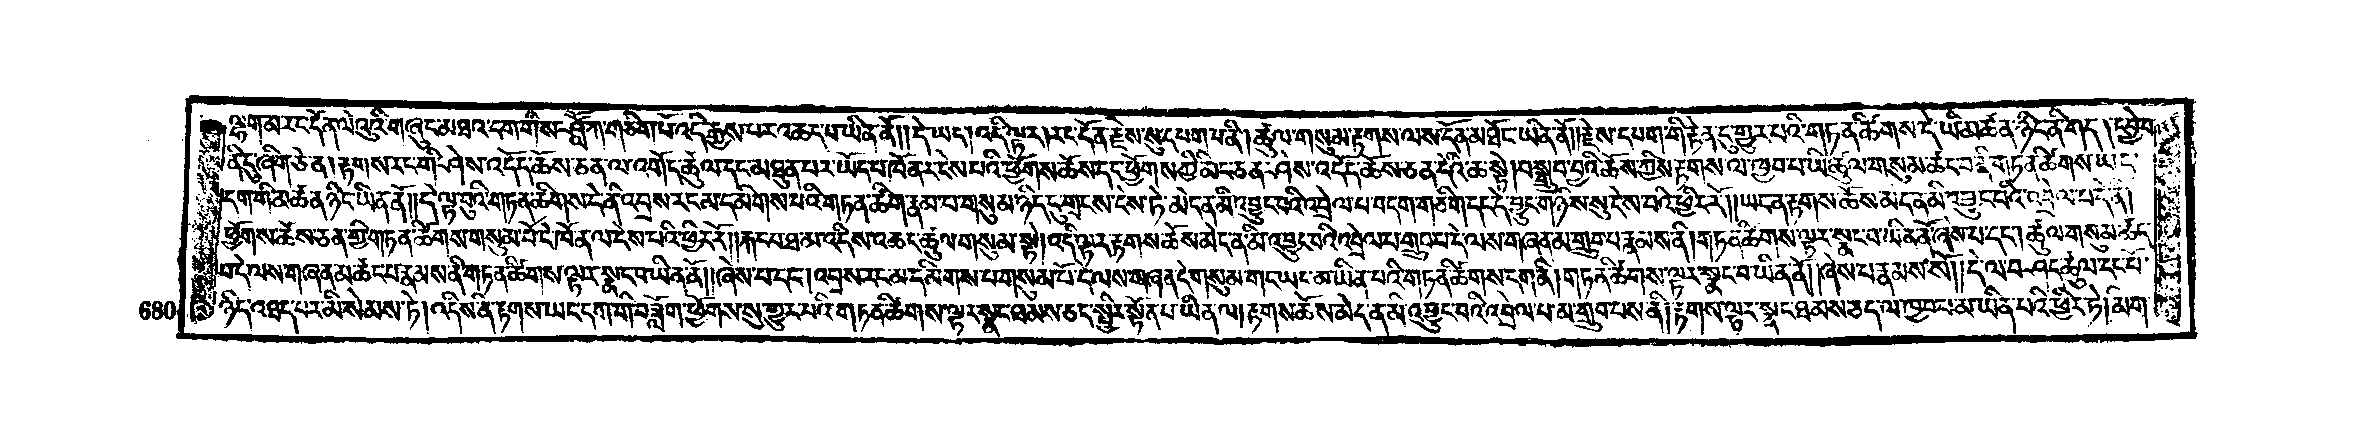ལྷག་མ་རང་དོན་ལེའུའི་གཞུང་མཐའ་དག་གིས་ཤོ་ལོ་ཀ་གཅིག་པོ་འདི་རྒྱས་པར་འཆད་པ་ཡིན་ནོ། །དེ་ཡང་། འདི་ལྟར། རང་དོན་རྗེས་སུ་དཔག་པ་ནི། ཚུལ་གསུམ་རྟགས་ལས་དོན་མཐོང་ཡིན་ནོ། །རྗེས་དཔག་གི་རྟེན་དུ་གྱུར་པའི་གཏན་ཚིགས་དེ་ཡི་མཚན་ཉིད་ནི་གད། དབྱེ་བ་
ནི་དུ་ཞིག་ཅེ་ན། རྟགས་རང་གི་ཤེས་འདོད་ཆོས་ཅན་ལ་འགོད་ཚུལ་དང་མཐུན་པར་ཡོད་པ་ཁོ་ནར་ངེས་པའི་ཕྱོགས་ཆོས་དང་ཕྱོགས་ཀྱི་མིང་ཅན་ཤེས་འདོད་ཆོས་ཅན་དེའི་ཆ་སྟེ། བསྒྲུབ་བྱའི་ཆོས་ཀྱིས་རྟགས་ལ་ཁྱབ་པ་ཡི་ཚུལ་གསུམ་ཚང་བ་ནི་གཏན་ཚིགས་ཡང་
དག་གི་མཚན་ཉིད་ཡིན་ནོ། །དེ་ལྟ་བུའི་གཏན་ཚིགས་དེ་ནི་འབྲས་རང་མ་དམིགས་པའི་གཏན་ཚིགས་རྣམ་པ་གསུམ་ཉིད་དུ་གྲངས་ངེས་ཏེ་མེད་ན་མི་འབྱུང་བའི་འབྲེལ་པ་བདག་གཅིག་དང་དེ་བྱུང་འབྱུང་བའི་འབྲེལ་བ་དེ་ནི་འབྱུང་བའི་འབྲེལ་བ་དེ་ནི།
ཕྱོགས་ཆོས་ཅན་གྱི་གཏན་ཚིགས་གསུམ་པོ་དེ་ཁོ་ན་ལ་ངེས་པའི་ཕྱིར་རོ། །རྐང་པ་ཐ་མ་འདིས་འཆད་ཚུལ་གསུམ་སྟེ། འདི་ལྟར་རྟགས་ཆོས་མེད་ན་མི་འབྱུང་བའི་འབྲེལ་པ་གྲུབ་པ་དེ་ལས་གཞན་མ་གྲུབ་པ་རྣམས་ནི། གཏན་ཚིགས་ལྟར་སྣང་བ་ཡིན་ནོ། ཞེས་པ་དང་། ཚུལ་གསུམ་ཚང་
བ་དེ་ལས་གཞན་མ་ཚང་པ་རྣམས་ནི་གཏན་ཚིགས་ལྟར་སྣང་བ་ཡིན་ནོ། །ཞེས་པ་དང་། འབྲས་རང་མ་དམིགས་པ་གསུམ་པོ་དེ་ལས་གཞན་དེ་གསུམ་གང་ཡང་མ་ཡིན་པའི་གཏན་ཚིགས་དག་ནི། གཏན་ཚིགས་ལྟར་སྣང་བ་ཡིན་ནོ། །ཞེས་པ་རྣམས་སོ། །དེ་ལ་བཤད་ཚུལ་དང་པོ་
ཉིད་འཐད་པར་མི་སེམས་ཏེ། འདིས་ནི་རྟགས་ཡང་དག་གི་བཟློག་ཕྱོགས་སུ་རྒྱུར་པའི་གཏན་ཚིགས་ལྟར་སྣང་ཐམས་ཅད་སྤྱིར་སྟོན་པ་ཡིན་ལ། རྟགས་ཆོས་མེད་ན་མི་འབྱུང་བའི་འབྲེལ་བ་མ་གྲུབ་པས་ནི། རྟགས་ལྟར་སྣང་ཐམས་ཅད་ལ་ཁྱབ་པ་མ་ཡིན་པའི་ཕྱིར་ཏེ། མིག་